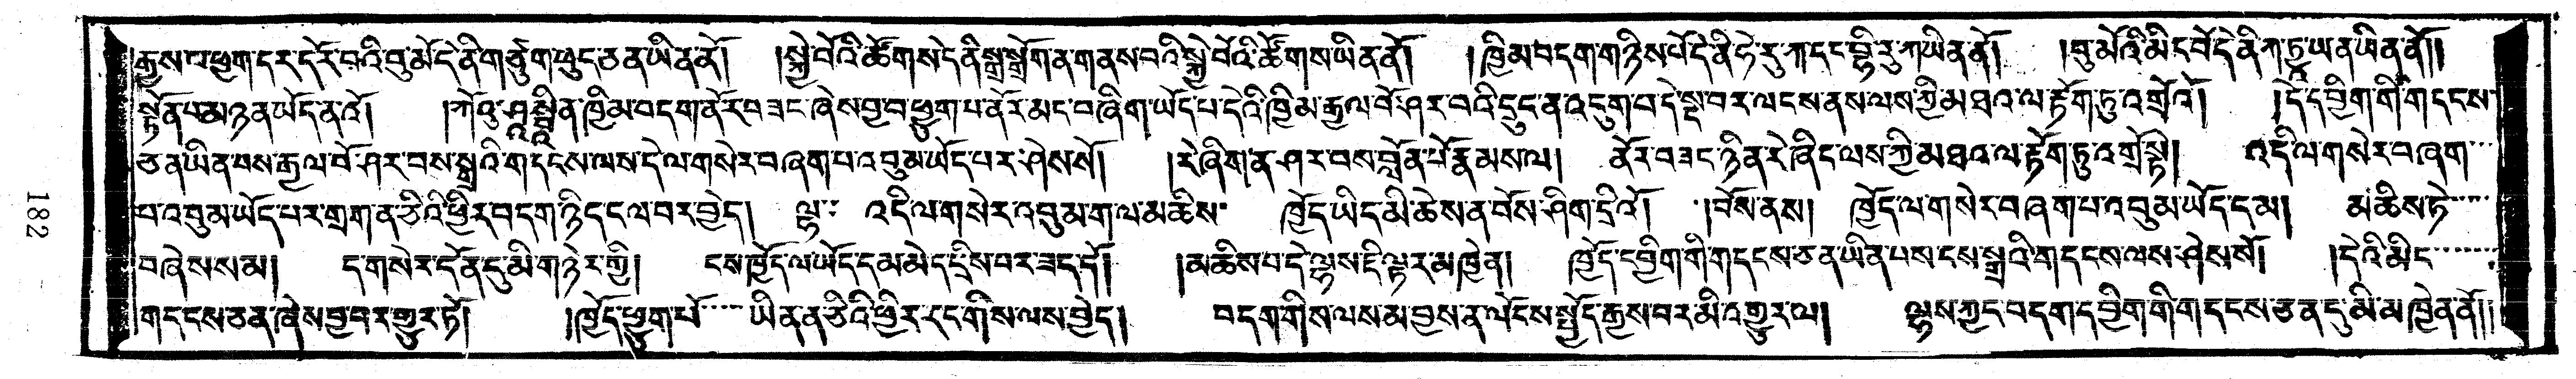རྒྱས་འཕྱག་དར་དོར་བའི་བུ་མོ་དེ་ནི་གཙུག་ཕུད་ཅན་ཡིན་ནོ། །སྐྱེ་བོའི་ཚོགས་དེ་ནི་སྒྲ་སྒྲོག་ན་གནས་བའི་སྐྱེ་བོའི་ཚོགས་ཡིན་ནོ། །ཁྱིམ་བདག་གཉིས་པོ་དེ་ནི་ཧེ་རུ་ཀ་དང་བྷི་རུ་ཀ་ཡིན་ནོ། །བུ་མོའི་མིང་བོ་དེ་ནི་ཀ་ཏྱཱ་ཡ་ན་ཡིན་ནོ།།
སྟོན་པ་མཉན་ཡོད་ནའོ། །ཀོའུ་ཤཱསྦཱིན་ཁྱིམ་བདག་ནོར་བཟང་ཞེས་བྱ་བ་ཕྱུག་པ་ནོར་མང་བ་ཞིག་ཡོད་པ་དེའི་ཁྱིམ་རྒྱལ་བོ་ཤར་བའི་དྲུང་ན་འདུག་པ་དེ་སྔ་བར་ལངས་ནས་ལས་ཀྱི་མཐའ་ལ་རྟོག་ཏུ་འགྲོའོ། །དེ་དབྱིག་གི་གདངས་
ཅན་ཡིན་པས་རྒྱལ་བོ་ཤར་བས་སྒྲའི་གདངས་ལས་དེ་ལ་གསེར་བཞག་པ་འབུམ་ཡོད་པར་ཤེས་སོ། །རེ་ཞིག་ན་ཤར་བས་བློན་པོ་རྣམས་ལ། ནོར་བཟང་ཉིན་རེ་ཞིང་ལས་ཀྱི་མཐའ་ལ་རྟོག་ཏུ་འགྲོ་སྟེ། འདི་ལ་གསེར་བཞག་
པ་འབུམ་ཡོད་པར་གྲག་ན་ཅིའི་ཕྱིར་བདག་ཉིད་ངལ་བར་བྱེད། ལྷ༑ འདི་ལ་གསེར་འབུམ་ག་ལ་མཆིས་ཁྱོད་ཡིད་མི་ཆེས་ན་བོས་ཤིག་དྲིའོ། །བོས་ནས། ཁྱོད་ལ་གསེར་བཞག་པ་འབུམ་ཡོད་དམ། མཆིས་ཏེ་
བཞེས་སམ། ད་གསེར་དོན་དུ་མི་གཉེར་གྱི། ངས་ཁྱོད་ལ་ཡོད་དམ་མེད་དྲིས་པར་ཟད་དོ། །མཆིས་པ་དེ་ལྷས་ཇི་ལྟར་མཁྱེན། ཁྱོད་དབྱིག་གི་གདངས་ཅན་ཡིན་པས་ངས་སྒྲའི་གདངས་ལས་ཤེས་སོ། །དེའི་མིང་
གདངས་ཅན་ཞེས་བྱ་བར་གྱུར་ཏོ། །ཁྱོད་ཕྱུག་པོ་ཡིན་ན་ཅིའི་ཕྱིར་རང་གིས་ལས་བྱེད། བདག་གིས་ལས་མ་བྱས་ན་ལོངས་སྤྱོད་རྒྱས་པར་མི་འགྱུར་ལ། ལྷས་ཀྱང་བདག་དབྱིག་གི་གདངས་ཅན་དུ་མི་མཁྱེན་ནོ། །